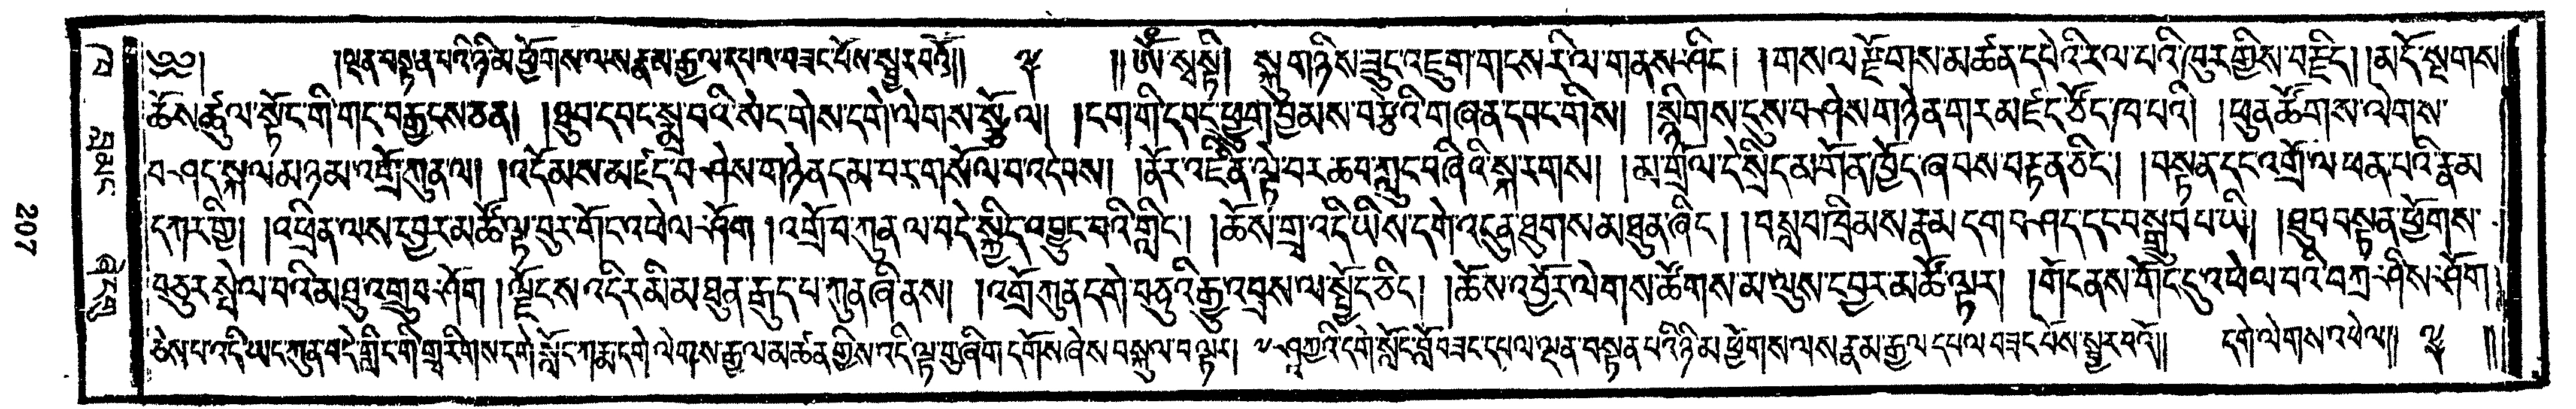༄༅། །ལྡན་བསྟན་པའི་ཉི་མ་ཕྱོགས་ལས་རྣམ་རྒྱལ་དཔའ་བཟང་པོས་སྦྱར་བའོ།། ༈ །།ཨོཾ་སྭསྟི། སྐུ་གཉིས་ཟུང་འཇུག་གངས་རི་ལ་གནས་ཤིང་། །གསལ་རྫོགས་མཚན་དཔེའི་རལ་པའི་ཁུར་གྱིས་བརྗིད། །མདོ་སྔགས་
ཆོས་ཚུལ་སྟོང་གི་གང་བརྒྱངས་ཅན། །ཐུབ་དབང་སྨྲ་བའི་སེང་གེས་དགེ་ལེགས་སྩོལ། །ངག་གི་དབང་ཕྱུག་བྱམས་བརྩེའི་གཞན་དབང་གིས། །སྙིགས་དུས་བཤེས་གཉེན་གར་མཛད་ཙོང་ཁ་པའི། །ཕུན་ཚོགས་ལེགས་
བཤད་སྐལ་མཉམ་འགྲོ་ཀུན་ལ། །འདོམས་མཛད་བཤེས་གཉེན་དམ་པར་གསོལ་བ་འདེབས། །ནོར་འཛིན་ལྟེ་བར་ཆབ་ཀླུང་བཞིའི་སྐ་རགས། །མ་གྲོལ་དེ་སྲིད་མགོན་ཁྱོད་ཞབས་བརྟན་ཅིང་། །བསྟན་དང་འགྲོ་ལ་ཕན་པའི་རྣམ་
དཀར་གྱི། །འཕྲིན་ལས་དབྱར་མཚོ་ལྟ་བུར་གོང་འཕེལ་ཤོག །འགྲོ་བ་ཀུན་ལ་བདེ་སྐྱིད་འབྱུང་བའི་གླིང་། །ཆོས་གྲྭ་འདི་ཡིས་དགེ་འདུན་ཐུགས་མཐུན་ཞིང་། །བསླབ་ཁྲིམས་རྣམ་དག་བཤད་དང་བསྒྲུབ་པ་ཡི། །ཐུབ་བསྟན་ཕྱོགས་
བཅུར་སྤེལ་བའི་མཐུ་འགྲུབ་ཤོག །ལྗོངས་འདིར་མི་མཐུན་རྒུད་པ་ཀུན་ཞི་ནས། །འགྲོ་ཀུན་དགེ་བཅུའི་རྒྱུ་འབྲས་ལ་སྤྱོད་ཅིང་། །ཆོས་འབྱོར་ལེགས་ཚོགས་མ་ལུས་དབྱར་མཚོ་ལྟར། །གོང་ནས་གོང་དུ་འཕེལ་བའི་བཀྲ་ཤིས་ཤོག །
ཅེས་པ་འདི་ཡང་ཀུན་བདེ་གླིང་གི་གྲྭ་རིགས་དགེ་སློང་ཀརྨ་དགེ་ལེགས་རྒྱལ་མཚན་གྱིས་འདི་ལྟ་བུ་ཞིག་དགོས་ཞེས་བསྐུལ་བ་ལྟར། ༧་ཤཱཀྱའི་དགེ་སློང་བློ་བཟང་དཔལ་ལྡན་བསྟན་པའི་ཉི་མ་ཕྱོགས་ལས་རྣམ་རྒྱལ་དཔལ་བཟང་པོས་སྦྱར་བའོ།། དགེ་ལེགས་འཕེལ།། ༈ །།